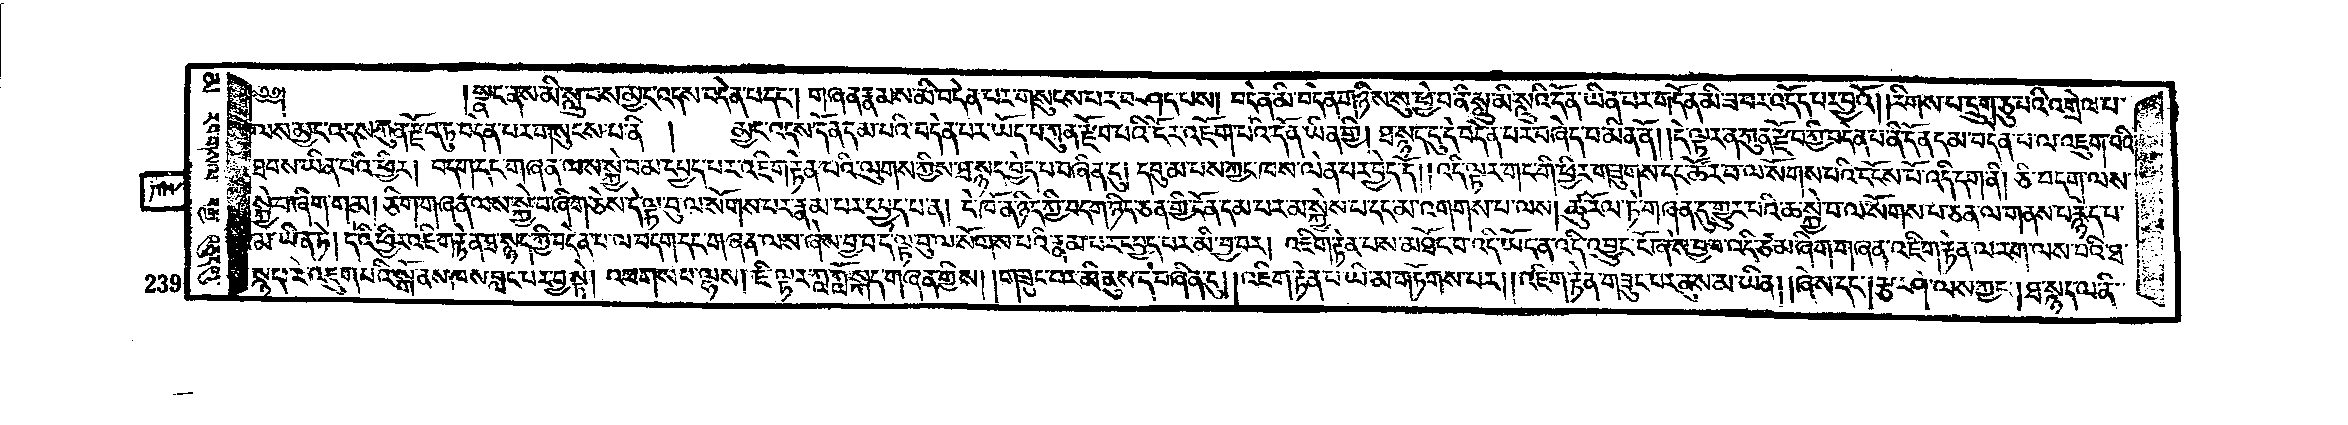༄༅། །སྣང་ནས་མི་སླུ་བས་མྱང་འདས་བདེན་པ་དང་། གཞན་རྣམས་མི་བདེན་པར་གསུངས་པར་བཤད་པས། བདེན་མི་བདེན་གཉིས་སུ་ཕྱེ་བ་ནི་སླུ་མི་སླུའི་དོན་ཡིན་པར་གདོན་མི་ཟ་བར་འདོད་པར་བྱའོ། །རིགས་པ་དྲུག་ཅུ་པའི་འགྲེལ་པ་
ལས་མྱང་འདས་ཀུན་རྫོབ་ཏུ་བདེན་པར་གསུངས་པ་ནི། མྱང་འདས་དོན་དམ་པའི་བདེན་པར་ཡོད་པ་ཀུན་རྫོབ་པའི་ངོར་འཇོག་པའི་དོན་ཡིན་གྱི། ཐ་སྙད་དུ་དེ་བདེན་པར་བཞེད་པ་མིན་ནོ། །དེ་ལྟར་ན་ཀུན་རྫོབ་ཀྱི་བདེན་པ་ནི་དོན་དམ་བདེན་པ་ལ་འཇུག་པའི་
ཐབས་ཡིན་པའི་ཕྱིར། བདག་དང་གཞན་ལས་སྐྱེ་བ་མ་དཔྱད་པར་འཇིག་རྟེན་པའི་ལུགས་ཀྱིས་ཐ་སྙད་བྱེད་པ་བཞིན་དུ། དབུ་མ་པས་ཀྱང་ཁས་ལེན་པར་བྱེད་དོ། །འདི་ལྟར་གང་གི་ཕྱིར་གཟུགས་དང་ཚོར་བ་ལ་སོགས་པའི་དངོས་པོ་འདི་དག་ནི། ཅི་བདག་ལས་
སྐྱེ་བ་ཞིག་གམ། ཅིག་གཞན་ལས་སྐྱེ་བ་ཞིག་ཅེས་དེ་ལྟ་བུ་ལ་སོགས་པར་རྣམ་པར་དཔྱད་པ་ན། དེ་ཁོ་ན་ཉིད་ཀྱི་བདག་ཉིད་ཅན་གྱི་དོན་དམ་པར་མ་སྐྱེས་པ་དང་མ་འགགས་པ་ལས། ཚུ་རོལ་ཏེ་གཞན་དུ་གྱུར་པའི་ཆ་སྐྱེ་བ་ལ་སོགས་པ་ཅན་ལ་གནས་པ་རྙེད་པ་
མ་ཡིན་ཏེ། དེའི་ཕྱིར་འཇིག་རྟེན་ཐ་སྙད་ཀྱི་བདེན་པ་ལ་བདག་དང་གཞན་ལས་ཞེས་བྱ་བ་དེ་ལྟ་བུ་ལ་སོགས་པའི་རྣམ་པར་དཔྱད་པར་མི་བྱ་བར། འཇིག་རྟེན་པས་མཐོང་བ་འདི་ཡོད་ན་འདི་འབྱུང་ངོ་ཞེས་བྱ་བ་འདི་ཙམ་ཞིག་གཞན་འཇིག་རྟེན་ལ་རག་ལས་པའི་ཐ་
སྙད་ལ་འཇུག་པའི་སྒོ་ནས་ཁས་བླང་བར་བྱ་སྟེ། འཕགས་པ་ལྷས། ཇི་ལྟར་ཀླ་ཀློ་སྐད་གཞན་གྱིས། །གཟུང་བར་མི་ནུས་དེ་བཞིན་དུ། །འཇིག་རྟེན་པ་ཡི་མ་གཏོགས་པར། །འཇིག་རྟེན་གཟུང་བར་ནུས་མ་ཡིན། །ཞེས་དང་། རྩ་ཤེ་ལས་ཀྱང་། ཐ་སྙད་ལ་ནི་